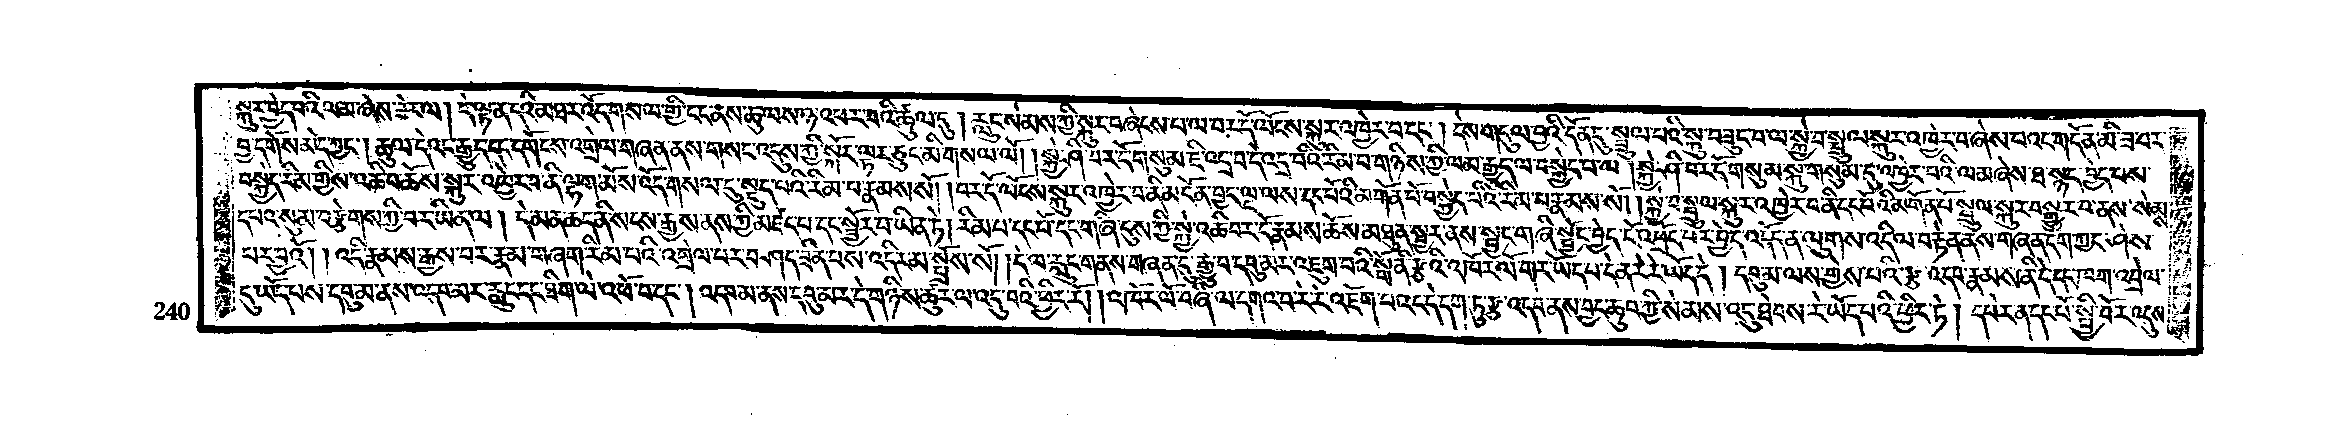སྐུར་བྱེད་པའི་ལམ་ཞེས་ཟེར་ལ། དེ་ལྟ་ན་དའི་མཐར་འོད་གསལ་གྱི་ངང་ནས་ཆུ་ལས་ཉ་འཕར་བའི་ཚུལ་དུ། རླུང་སེམས་ཀྱི་སྐུར་བཞེངས་པ་ལ་བར་དོ་ལོངས་སྐུར་འཁྱེར་བ་དང་། དེས་གདུལ་བྱའི་དོན་དུ་སྤྲུལ་པའི་སྐུ་བཟུང་བ་ལ་སྐྱེ་བ་སྤྲུལ་སྐུར་འཁྱེར་བ་ཞེས་པའང་གདོན་མི་ཟ་བར་
བྱ་དགོས་མེད་ཀྱང་། ཚུལ་དེའང་རྒྱུད་དང་དགོངས་འགྲེལ་གཞན་ནས་གསང་འདུས་ཀྱི་སྐོར་ལྟར་ཅུང་མི་གསལ་ལོ། །སྐྱེ་ཤི་བར་དོ་གསུམ་ཇི་འདྲ་བ་དེ་འདྲ་བའི་རིམ་པ་གཉིས་ཀྱི་ལམ་རྒྱུད་ལ་བསྐྱེད་པ་ལ། སྐྱེ་ཤི་བར་དོ་གསུམ་སྐུ་གསུམ་དུ་འཁྱེར་བའི་ལམ་ཞེས་ཐ་སྙད་བྱེད་པས་
བསྐྱེད་རིམ་གྱིས་འཆི་བ་ཆོས་སྐུར་འཁྱེར་བ་ནི་ལྷག་མོས་འོད་གསལ་དུ་སྡུད་པའི་རིམ་པ་རྣམས་སོ། །བར་དོ་ལོངས་སྐུར་འཁྱེར་བ་ནི་མངོན་བྱང་ལྔ་ལས་དང་པོའི་མགོན་པོ་བསྐྱེད་པའི་རིམ་པ་རྣམས་སོ། །སྐྱེ་བ་སྤྲུལ་སྐུར་འཁྱེར་བ་ནི་དང་པོའི་མགོན་པོ་སྤྲུལ་སྐུར་བསྒྱུར་བ་ནས་སེམས་
དཔའ་སུམ་བརྩེགས་ཀྱི་བར་ཡིན་ལ། དེ་མན་ཆད་ནི་སངས་རྒྱས་ནས་ཀྱི་མཛད་པ་དང་སྦྱོར་བ་ཡིན་ཏེ། རིམ་པ་དང་པོ་དང་གཞི་དུས་ཀྱི་སྐྱེ་འཆི་བར་དོ་རྣམས་ཆོས་མཐུན་སྦྱར་ནས་སྦྱང་གཞི་སྦྱོང་བྱེད་ངོ་འཕྲོད་པར་བྱེད་འདོད་ན་ལུགས་འདི་ལ་བརྟེན་ནས་གཞན་དག་ཀྱང་ཤེས་
པར་བྱའོ། །འདི་རྣམས་རྒྱས་པར་རྣམ་གཞག་རིམ་པའི་འགྲེལ་པར་བཤད་ཟིན་པས་འདིར་མ་སྤྲོས་སོ། །དེ་ལ་རླུང་གནས་གཞན་དུ་རྒྱུ་བ་དབུ་མར་འཇུག་པའི་སྒོ་ནི་རྩའི་འཁོར་ལོ་གར་ཡོད་པ་དེ་ན་རེ་རེ་ཡོད་དེ། དབུ་མ་ལས་གྱེས་པའི་རྩ་འདབ་རྣམས་ནི་དེ་དང་ཁག་འབྲེལ་
དུ་ཡོད་པས་དབུ་མ་ནས་འདབ་མར་རླུང་དང་ཐིག་ལེ་འཕོ་བ་དང་། འདབ་མ་ནས་དབུ་མར་དེ་གཉིས་ཚུར་ལ་འདུ་བའི་ཕྱིར་རོ། །འཁོར་ལོ་བཞི་ལ་དགའ་བ་རེ་རེ་འཇིག་པའང་དེ་དག་ཏུ་རྩ་འདབ་ནས་བྱང་ཆུབ་ཀྱི་སེམས་འདུ་ཐབས་རེ་ཡོད་པའི་ཕྱིར་ཏེ། དཔེར་ན་དང་པོ་སྤྱི་བོར་འདུས་